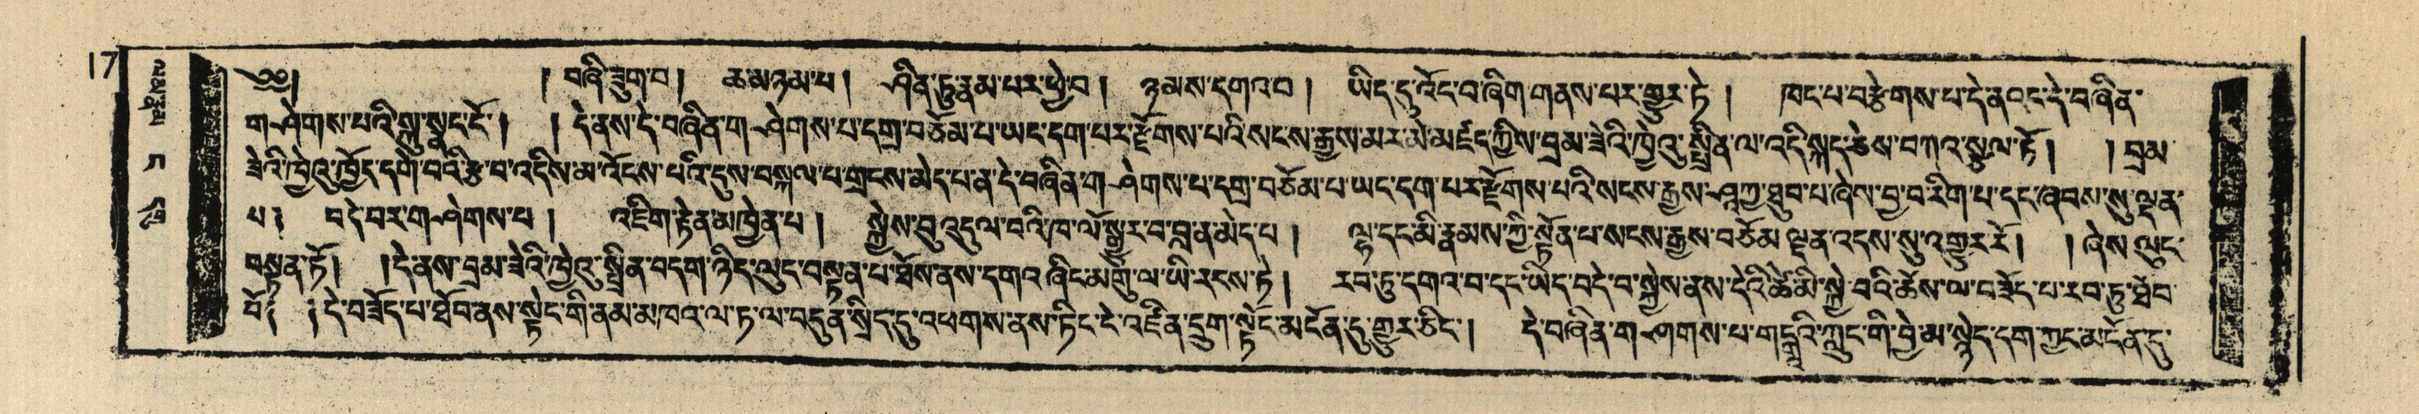༄༅། །བཞི་ཟུག་བ། ཆ་མཉམ་པ། ཤིན་ཏུ་རྣམ་པར་ཕྱེ་བ། ཉམས་དགའ་བ། ཡིད་དུ་འོང་བ་ཞིག་གནས་པར་གྱུར་ཏེ། ཁང་པ་བརྩེགས་པ་དེ་ནའང་དེ་བཞིན་
གཤེགས་པའི་སྐུ་སྣང་ངོ། །དེ་ནས་དེ་བཞིན་གཤེགས་པ་དགྲ་བཅོམ་པ་ཡང་དག་པར་རྫོགས་པའི་སངས་རྒྱས་མར་མེ་མཛད་ཀྱིས་བྲམ་ཟེའི་ཁྱེའུ་སྤྲིན་ལ་འདི་སྐད་ཅེས་བཀའ་སྩལ་ཏོ། །བྲམ་
ཟེའི་ཁྱེའུ་ཁྱོད་དགེ་བའི་རྩ་བ་འདིས་མ་འོངས་པའི་དུས་བསྐལ་པ་གྲངས་མེད་པ་ན་དེ་བཞིན་གཤེགས་པ་དགྲ་བཅོམ་པ་ཡང་དག་པར་རྫོགས་པའི་སངས་རྒྱས་ཤཱཀྱ་ཐུབ་པ་ཞེས་བྱ་བ་རིག་པ་དང་ཞབས་སུ་ལྡན་
པ༑ བདེ་བར་གཤེགས་པ། འཇིག་རྟེན་མཁྱེན་པ། སྐྱེས་བུ་འདུལ་བའི་ཁ་ལོ་སྒྱུར་བ་བླ་ན་མེད་པ། ལྷ་དང་མི་རྣམས་ཀྱི་སྟོན་པ་སངས་རྒྱས་བཅོམ་ལྡན་འདས་སུ་འགྱུར་རོ། །ཞེས་ལུང་
བསྟན་ཏོ། །དེ་ནས་བྲམ་ཟེའི་ཁྱེའུ་སྤྲིན་བདག་ཉིད་ལུང་བསྟན་པ་ཐོས་ནས་དགའ་ཞིང་མགུ་ལ་ཡི་རངས་ཏེ། རབ་ཏུ་དགའ་བ་དང་ཡིད་བདེ་བ་སྐྱེས་ནས་དེའི་ཚེ་མི་སྐྱེ་བའི་ཆོས་ལ་བཟོད་པ་རབ་ཏུ་ཐོབ་
བོ༑ ༑དེ་བཟོད་པ་ཐོབ་ནས་སྟེང་གི་ནམ་མཁའ་ཏ་ལ་བདུན་སྲིང་དུ་འཕགས་ནས་ཏིང་ངེ་འཛིན་དྲུག་སྟོང་མངོན་དུ་གྱུར་ཅིང་། དེ་བཞིན་གཤགས་པ་གངྒའི་ཀླུང་གི་བྱེ་མ་སྙེད་དག་ཀྱང་མངོན་དུ་